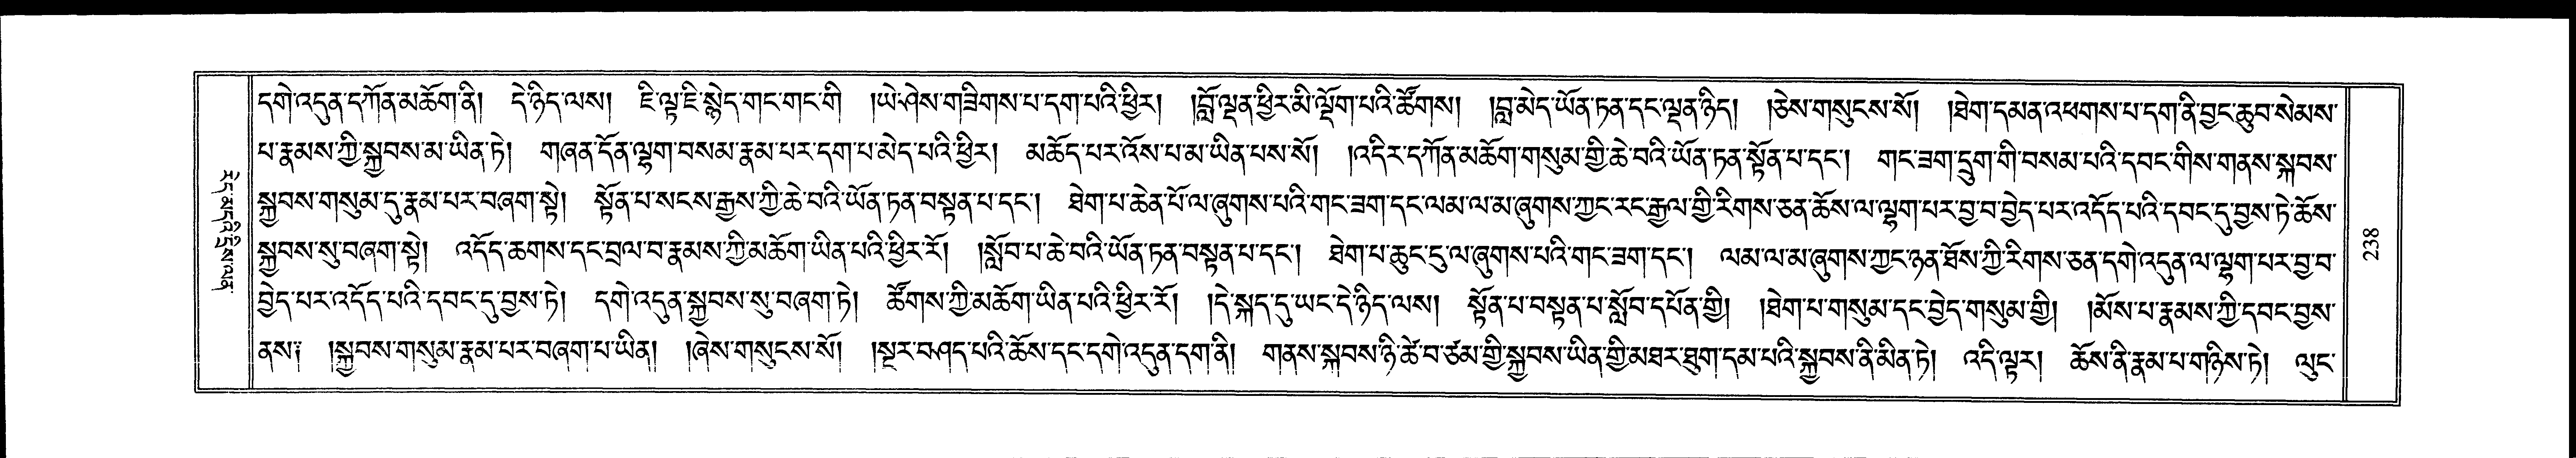དགེ་འདུན་དཀོན་མཆོག་ནི། དེ་ཉིད་ལས། ཇི་ལྟ་ཇི་སྙེད་གང་གང་གི །ཡེ་ཤེས་གཟིགས་པ་དག་པའི་ཕྱིར། །བློ་ལྡན་ཕྱིར་མི་ལྡོག་པའི་ཚོགས། །བླ་མེད་ཡོན་ཏན་དང་ལྡན་ཉིད། །ཅེས་གསུངས་སོ། །ཐེག་དམན་འཕགས་པ་དག་ནི་བྱང་ཆུབ་སེམས་
པ་རྣམས་ཀྱི་སྐྱབས་མ་ཡིན་ཏེ། གཞན་དོན་ལྷག་བསམ་རྣམ་པར་དག་པ་མེད་པའི་ཕྱིར། མཆོད་པར་འོས་པ་མ་ཡིན་པས་སོ། །འདིར་དཀོན་མཆོག་གསུམ་གྱི་ཆེ་བའི་ཡོན་ཏན་སྟོན་པ་དང་། གང་ཟག་དྲུག་གི་བསམ་པའི་དབང་གིས་གནས་སྐབས་
སྐྱབས་གསུམ་དུ་རྣམ་པར་བཞག་སྟེ། སྟོན་པ་སངས་རྒྱས་ཀྱི་ཆེ་བའི་ཡོན་ཏན་བསྟན་པ་དང་། ཐེག་པ་ཆེན་པོ་ལ་ཞུགས་པའི་གང་ཟག་དང་ལམ་ལ་མ་ཞུགས་ཀྱང་རང་རྒྱལ་གྱི་རིགས་ཅན་ཆོས་ལ་ལྷག་པར་བྱ་བ་བྱེད་པར་འདོད་པའི་དབང་དུ་བྱས་ཏེ་ཆོས་
སྐྱབས་སུ་བཞག་སྟེ། འདོད་ཆགས་དང་བྲལ་བ་རྣམས་ཀྱི་མཆོག་ཡིན་པའི་ཕྱིར་རོ། །སློབ་པ་ཆེ་བའི་ཡོན་ཏན་བསྟན་པ་དང་། ཐེག་པ་ཆུང་ངུ་ལ་ཞུགས་པའི་གང་ཟག་དང་། ལམ་ལ་མ་ཞུགས་ཀྱང་ཉན་ཐོས་ཀྱི་རིགས་ཅན་དགེ་འདུན་ལ་ལྷག་པར་བྱ་བ་
བྱེད་པར་འདོད་པའི་དབང་དུ་བྱས་ཏེ། དགེ་འདུན་སྐྱབས་སུ་བཞག་སྟེ། ཚོགས་ཀྱི་མཆོག་ཡིན་པའི་ཕྱིར་རོ། །དེ་སྐད་དུ་ཡང་དེ་ཉིད་ལས། སྟོན་པ་བསྟན་པ་སློབ་དཔོན་གྱི། །ཐེག་པ་གསུམ་དང་བྱེད་གསུམ་གྱི། །མོས་པ་རྣམས་ཀྱི་དབང་བྱས་
ནས། །སྐྱབས་གསུམ་རྣམ་པར་བཞག་པ་ཡིན། །ཞེས་གསུངས་སོ། །སྔར་བཤད་པའི་ཆོས་དང་དགེ་འདུན་དག་ནི། གནས་སྐབས་ཉི་ཚེ་བ་ཙམ་གྱི་སྐྱབས་ཡིན་གྱི་མཐར་ཐུག་དམ་པའི་སྐྱབས་ནི་མིན་ཏེ། འདི་ལྟར། ཆོས་ནི་རྣམ་པ་གཉིས་ཏེ། ལུང་